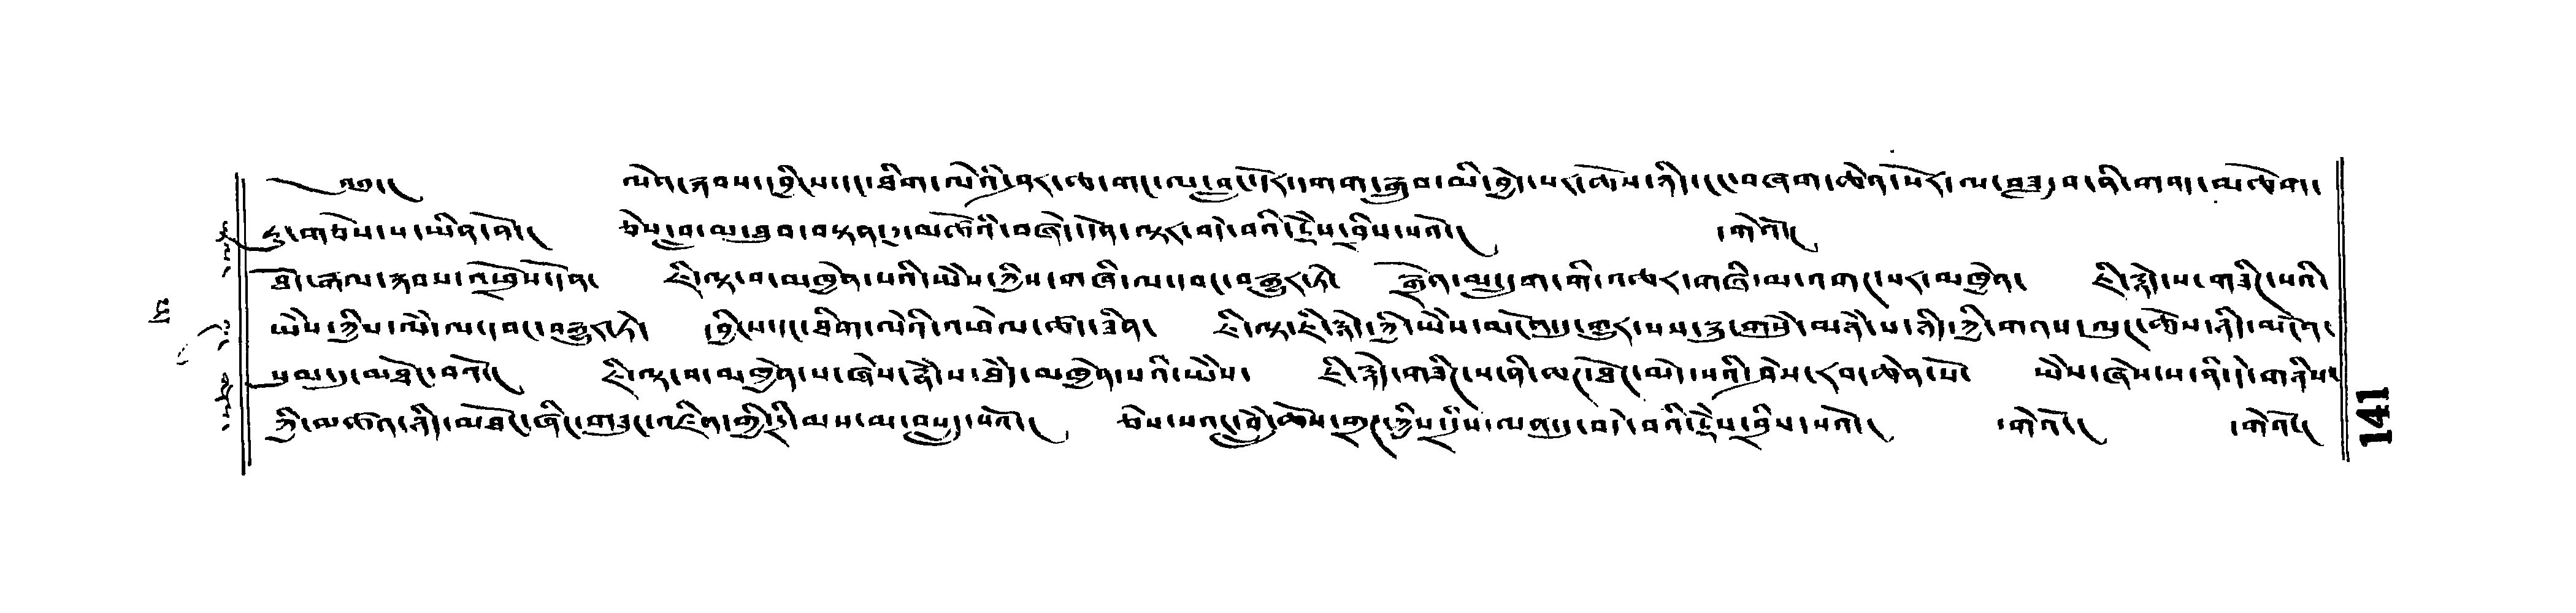ལེན་སྐབས་དབྱིངས་དང་ཐིག་ལེའི་ཤར་ཆ་གང་ལའང་བླང་དོར་དགག་སྒྲུབ་མི་བྱེད་པར་ཆོས་ཉིད་ངང་བཞག་ཆེན་པོར་ལ་བཟླ་བ་ནི་གནད་མཆོག་
ཏུ་གཅེས་པ་ཡིན་ནོ། ཅེས་བླ་མ་ཐུབ་བསྟན་རྒྱ་མཚོའི་བཞེད་དོན་ལྟར་བདེ་བའི་རྡོ་རྗེས་བྲིས་པའོ།། དགེའོ།། 
ཐོད་རྒལ་སྐབས་འཕྲོས་དོན། ཇི་ལྟ་བ་མཁྱེན་པའི་ཡེ་ཤེས་ཀྱིས་གཞི་ལ་དབང་བསྒྱུར་ཏེ། སྒྲོན་མ་དྲུག་གི་འཆར་གཞི་མ་འགགས་པར་མཁྱེན། ཇི་སྙེད་པ་གཟིགས་པའི་
ཡེ་ཤེས་ཀྱིས་ལམ་ལ་དབང་བསྒྱུར་ཏེ། དབྱིངས་དང་ཐིག་ལེའི་འཕེལ་ཚད་ཟིན། ཇི་ལྟ་ཇི་སྙེད་ཀྱི་ཡེ་ཤེས་མངོན་དུ་གྱུར་པས་སྐུ་གསུམ་མཉམ་པ་ཉིད་ཀྱི་གནས་ལུགས་ཆོས་ཉིད་མངོན་
སུམ་དུ་མཐོང་བའོ། ཇི་ལྟ་བ་མཁྱེན་པ་ཞེས་རྣམ་པ་ཐམས་ཅད་མཁྱེན་པའི་ཡེ་ཤེས། ཇི་སྙེད་གཟིགས་པ་ནི་ཆགས་ཐོགས་མེད་པའི་ཤེས་རབ་ཆེན་པོ། ཡེ་ཤེས་ཞེས་པ་ནི་དེ་གཉིས་
ཀྱི་མཚན་ཉིད་མཐོང་ཞིང་གཟུང་འཛིན་གྱི་དྲི་མས་མ་བསླད་པའོ། ཅེས་པའང་བླ་མ་ཆོས་གྲགས་ཀྱིས་དྲིས་ལན་དུ་བདེ་བའི་རྡོ་རྗེས་བྲིས་པའོ།།